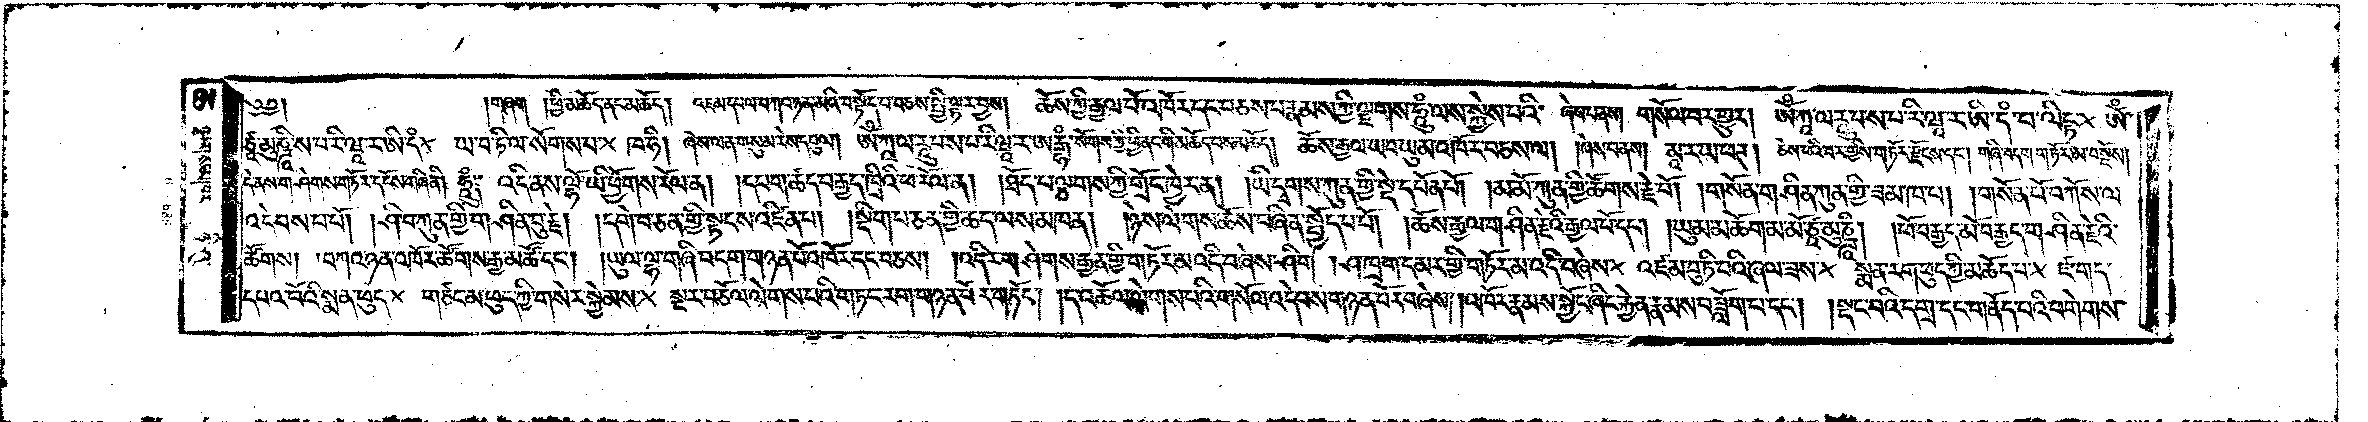༄༅། །གཞག །ཕྱི་མཆོད་ནང་མཆོད། འཇམ་དཔལ་བཀའ་ཉན་མའི་བསྟོད་པ་བཅས་སྤྱི་ལྟར་བྱས།  ཆོས་ཀྱི་རྒྱལ་པོ་འཁོར་དང་བཅས་པ་རྣམས་ཀྱི་ལྷགས་ཧཱུཾ་ལས་སྐྱེས་པའི་ཞེས་པ་ནས།  གསོལ་བར་གྱུར། ཨོཾ་ཀཱ་ལ་རཱུ་པས་པ་རི་ཝཱ་ར་ཨི་དཾ་བ་ལིངྟ་྾་ཨོཾ་
ཙཱ་མུཎྜཱི་ས་པ་རི་ཝཱ་ར་ཨི་དཾ་྾་ཡ་བ་ཏི་ལ་སོགས་པ྾་ཁ་ཧི། ཞེས་ལན་གསུམ་རེས་དབུལ།  ཨོཾ་ཀཱ་ལ་རཱུ་པས་པ་རི་ཝཱ་ར་ཨརྒྷཾ་སོགས་ཀྱི་ཕྱི་ནང་གི་མཆོད་བས་མཆོད། ཆོས་རྒྱལ་ཡབ་ཡུམ་འཁོར་བཅས་ལ། །ཞེས་པ་ནས།  མཱ་ར་ཡ་ཕཊ། ཅེས་པའི་བར་གྱིས་གཏོར་རྫོངས་དང་། གཞི་བདག་གཏོར་མ་བསྔོས།
དེ་ནས་གཤེགས་གཏོར་དངོས་གཞི་ནི། ཧཱུཾ༑ འདི་ནས་ལྷོ་ཡི་ཕྱོགས་རོལ་ན། །དཔག་ཚད་བརྒྱད་ཁྲིའི་ཕ་རོལ་ན། །ཐོད་པ་ལྕགས་ཀྱི་གྲོང་ཁྱེར་ན། །ཡི་དྭགས་ཀུན་གྱི་སྡེ་དཔོན་པོ། །མ་མོ་ཀུན་གྱི་ཚོགས་རྗེ་བོ། །གསོན་གཤིན་ཀུན་གྱི་ཟམ་ཁ་པ། །གསོན་པོ་བཀོས་ལ་
འདེབས་པ་པོ། །ཤི་བ་ཀུན་གྱི་གཤིན་བུ་རྗེ། །དགེ་བ་ཅན་གྱི་སྟངས་འཛིན་པ། །སྡིག་པ་ཅན་གྱི་ཆད་ལས་མཁན། །ཉེས་ལེགས་ཆོས་བཞིན་སྤྱོད་པ་པོ། །ཆོས་རྒྱལ་གཤིན་རྗེའི་རྒྱལ་པོ་དང་། །ཡུམ་མཆོག་མ་མོ་ཙཱ་མུཎྜཱི། །ཕོ་བརྒྱད་མོ་བརྒྱད་གཤིན་རྗེའི་
ཚོགས། །བཀའ་ཉན་འཁོར་ཚོགས་རྒྱ་མཚོ་དང་། །ཡུལ་ལྷ་གཞི་བདག་གཉན་པོ་འཁོར་དང་བཅས། །འདིར་གཤེགས་རྒྱན་གྱི་གཏོར་མ་འདི་བཞེས་ཤིག །ཤ་ཁྲག་དམར་གྱི་གཏོར་མ་འདི་བཞེས་྾་འཛམ་བུ་ཏི་བའི་ཞལ་ཟས་྾་སྨན་རག་ཕུད་ཀྱི་མཆོད་པ྾་ཛ་གད་
དཔའ་བོའི་སྨན་ཕུད་྾་གཙང་མ་ཕུད་ཀྱི་གསེར་སྐྱེམས་྾་སྔར་བཅོལ་ལེགས་པའི་གཏང་རག་གཉན་པོར་གཏོང་། །ད་འཆོལ་ལེགས་པའི་གསོལ་འདེབས་གཉན་པོར་བཞེས། །འཁོར་རྣམས་སྐྱོང་ཞིང་རྐྱེན་རྣམས་བཟློག་པ་དང་། །སྡང་བའི་དགྲ་དང་གནོད་པའི་བགེགས་